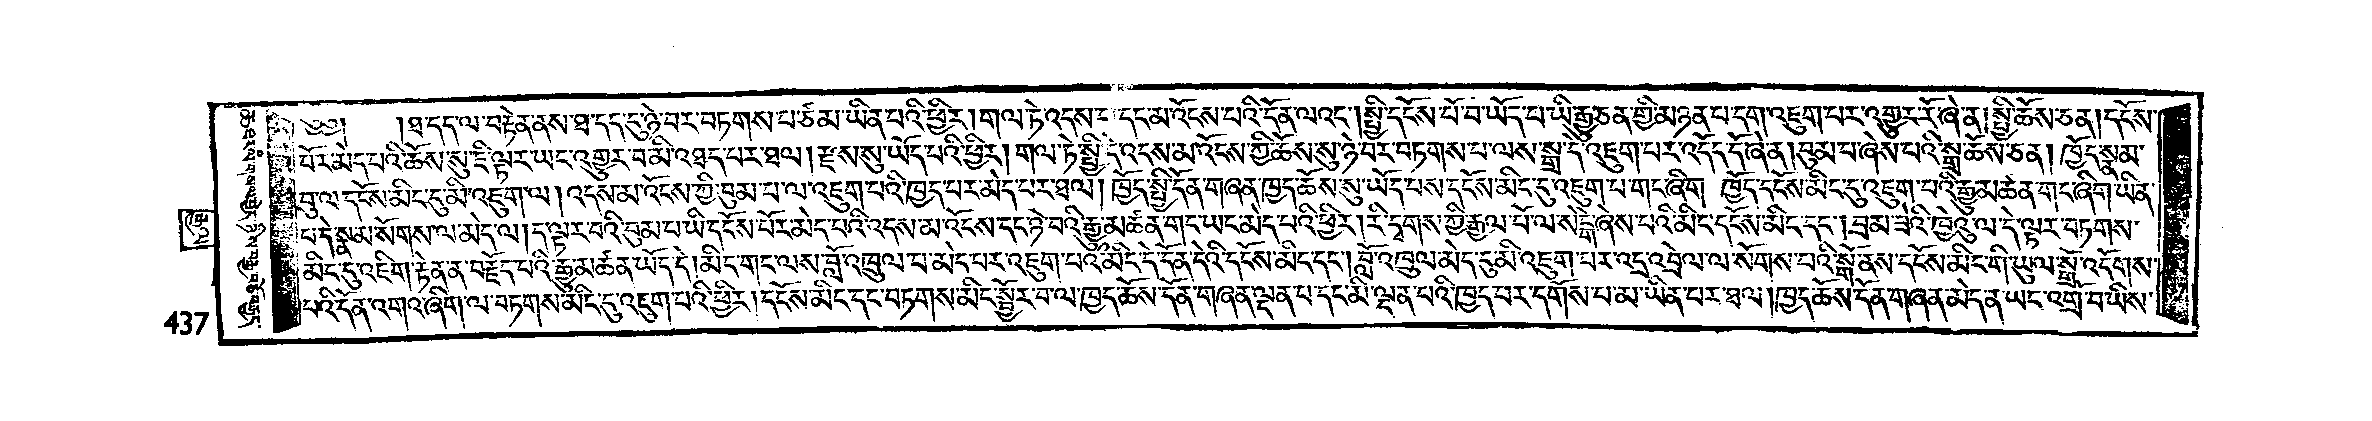༄༅། །ཐ་དད་ལ་བརྟེན་ནས་ཐ་དད་དུ་ཉེ་བར་བཏགས་པ་ཙམ་ཡིན་པའི་ཕྱིར། གལ་ཏེ་འདས་པ་དང་མ་འོངས་པའི་དོན་ལའང་། སྤྱི་དངོས་པོ་བ་ཡོད་པ་ཡི་རྒྱུ་ཅན་གྱི་མཉན་པ་དག་འཇུག་པར་འགྱུར་རོ་ཞེ་ན། སྤྱི་ཆོས་ཅན། དངོས་
པོར་མེད་པའི་ཆོས་སུ་ཇི་ལྟར་ཡང་འགྱུར་བ་མི་འཐད་པར་ཐལ། རྫས་སུ་ཡོད་པའི་ཕྱིར། གལ་ཏེ་སྤྱི་དེ་འདས་མ་འོངས་ཀྱི་ཆོས་སུ་ཉེ་བར་བཏགས་པ་ལས་སྒྲ་དེ་འཇུག་པར་འདོད་དོ་ཞེ་ན། བུམ་པ་ཞེས་པའི་སྒྲ་ཆོས་ཅན། ཁྱོད་སྣམ་
བུ་ལ་དངོས་མིང་དུ་མི་འཇུག་ལ། འདས་མ་འོངས་ཀྱི་བུམ་པ་ལ་འཇུག་པའི་ཁྱད་པར་མེད་པར་ཐལ། ཁྱོད་སྤྱི་དོན་གཞན་ཁྱད་ཆོས་སུ་ཡོད་པས་དངོས་མིང་དུ་འཇུག་པ་གང་ཞིག་ཁྱོད་དངོས་མིང་དུ་འཇུག་པའི་རྒྱུ་མཚན་གང་ཞིག་ཡིན་
པ་དེ་སྣམ་སོགས་ལ་མེད་ལ། ད་ལྟར་བའི་བུམ་པ་ཡི་དངོས་པོར་མེད་པའི་འདས་མ་འོངས་དང་ཉེ་བའི་རྒྱུ་མཚན་གང་ཡང་མེད་པའི་ཕྱིར། རི་དྭགས་ཀྱི་རྒྱལ་པོ་ལ་སེངྒེ་ཞེས་པའི་མིང་དངོས་མིང་དང་། བྲམ་ཟེའི་ཁྱེའུ་ལ་དེ་ལྟར་བཏགས་
མིང་དུ་འཇིག་རྟེན་ན་བརྗོད་པའི་རྒྱུ་མཚན་ཡོད་དེ། མིང་གང་ལས་བློ་འཁྲུལ་པ་མེད་པར་འཇུག་པའི་མིང་དེ་དོན་དེའི་དངོས་མིང་དང་། བློ་འཁྲུལ་མེད་དུ་མི་འཇུག་པར་འདྲ་འབྲེལ་ལ་སོགས་པའི་སྒོ་ནས་དངོས་མིང་གི་ཡུལ་སྒྲོ་འདོགས་
པའི་དོན་འགའ་ཞིག་ལ་བཏགས་མིང་དུ་འཇུག་པའི་ཕྱིར། དངོས་མིང་དང་བཏགས་མིང་སྦྱོར་བ་ལ་ཁྱད་ཆོས་དོན་གཞན་ལྡན་པ་དང་མི་ལྡན་པའི་ཁྱད་པར་དགོས་པ་མ་ཡིན་པར་ཐལ། ཁྱད་ཆོས་དོན་གཞན་མེད་ན་ཡང་འགྲོ་བ་ཡིས་